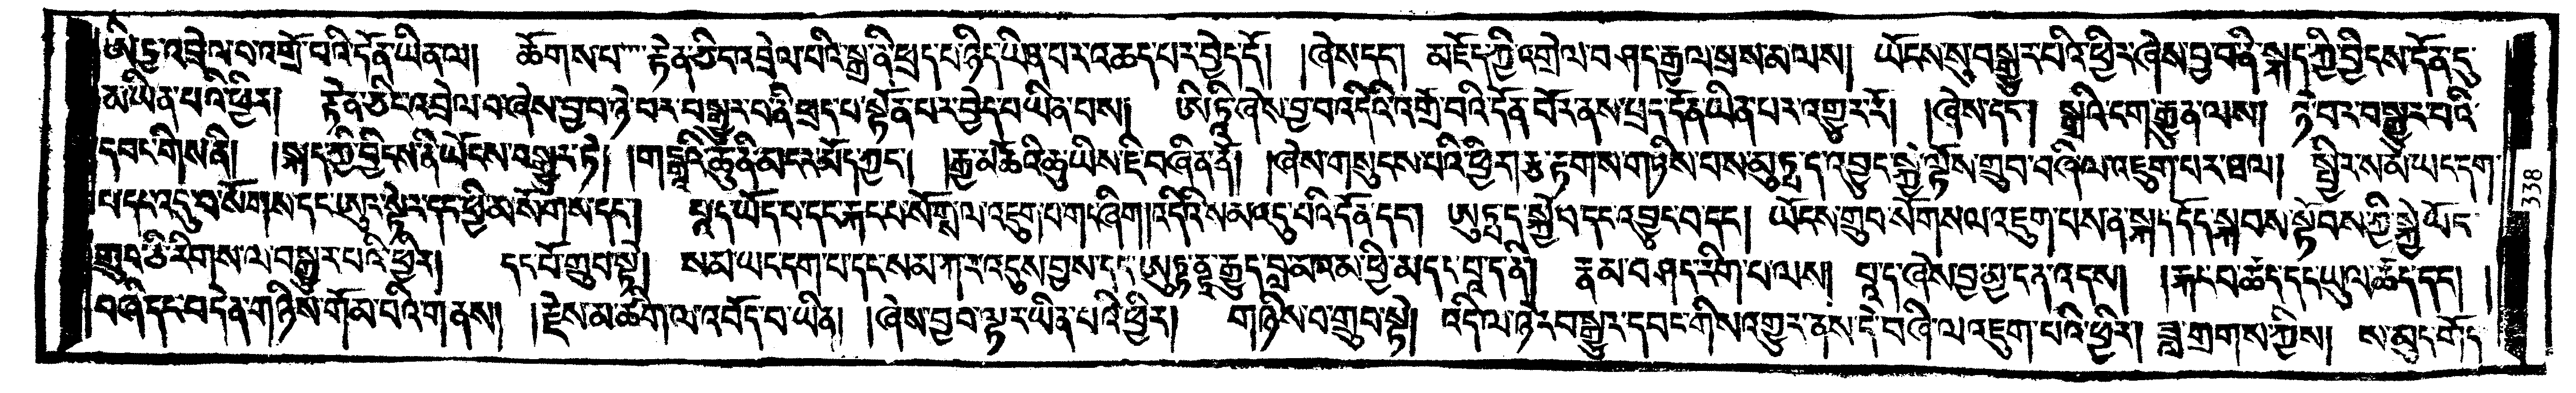ཨི་ཏྱ་འབྲེལ་བ་འགྲོ་བའི་དོན་ཡིན་ལ། ཚོགས་པ་རྟེན་ཅིང་འབྲེལ་བའི་སྒྲ་ནི་ཕྲད་པ་ཉིད་ཡིན་པར་འཆད་པར་བྱེད་དོ། །ཞེས་དང་། མཛོད་ཀྱི་འགྲེལ་བཤད་རྒྱལ་སྲས་མ་ལས། ཡོངས་སུ་བསྒྱུར་པའི་ཕྱིར་ཞེས་བྱ་བ་ནི་སྐད་ཀྱི་བྱིངས་དོན་དུ་
མ་ཡིན་པའི་ཕྱིར། རྟེན་ཅིང་འབྲེལ་བ་ཞེས་བྱ་བ་ཉེ་བར་བསྒྱུར་བ་ནི་ཕྲད་པ་སྟོན་པར་བྱེད་པ་ཡིན་པས། ཨི་ཏཱི་ཞེས་བྱ་བ་འདིའི་འགྲོ་བའི་དོན་བོར་ནས་ཕྲད་དོན་ཡིན་པར་འགྱུར་རོ། །ཞེས་དང་། སྒྲའི་ངག་རྒྱུན་ལས། ཉེ་བར་བསྒྱུར་བའི་
དབང་གིས་ནི། །སྐད་ཀྱི་བྱིངས་ནི་ཡོངས་བསྒྱུར་ཏེ། །གངྒཱའི་ཆུ་ནི་མངར་མོད་ཀྱང་། །རྒྱ་མཚོའི་ཆུ་ཡིས་ཇི་བཞིན་ནོ། །ཞེས་གསུངས་པའི་ཕྱིར། རྩ་རྟགས་གཉིས་པས་མུཏྤ་ད་འབྱུང་སྐྱེ་ལྟོས་གྲུབ་བཞི་ལ་འཇུག་པར་ཐལ། སྤྱིར་སམ་ཡང་དག་
པ་དང་འདུ་བ་སོགས་དང་ཨུར་སྟེར་དང་ཕྱི་མ་སོགས་དང་། པཱ་ད་ཡོད་པ་དང་རྐང་པ་སོགས་ལ་འཇུག་པ་གང་ཞིག །འདིའི་སམ་འདུ་པའི་དོན་དང་། ཨུཏྤ་ད་སྐྱེ་བ་དང་འབྱུང་བ་དང་། ཡོངས་གྲུབ་སོགས་ལ་འཇུག་པས་ན་སྐད་དོད་སྐབས་སྟོབས་ཀྱི་སྐྱེ་ཡོང་
གྲུབ་ཅི་རིགས་ལ་བསྒྱུར་པའི་ཕྱིར། དང་པོ་གྲུབ་སྟེ། སམ་ཡང་དག་པ་དང་སམ་ཀ་ར་འདུས་བྱས་དང་ཨུཏྟ་ནྟྲ་རྒྱུད་བླ་མའམ་ཕྱི་མ་དང་བཱ་ད་ནི། རྣམ་བཤད་རིག་པ་ལས། བཱ་ད་ཞེས་བྱ་མྱ་ངན་འདས། །རྐང་པ་ཚད་དང་ཡུལ་ཚད་དང་། །
བཞི་དང་བདེན་གཉིས་གོམ་པའི་གནས། །རྗེས་མ་ཚིག་ལ་འབོད་པ་ཡིན། །ཞེས་བྱ་བ་ལྟར་ཡིན་པའི་ཕྱིར། གཉིས་པ་གྲུབ་སྟེ། འདི་ལ་ཉེར་བསྒྱུར་དབང་གིས་འགྱུར་ནས་དེ་བཞི་ལ་འཇུག་པའི་ཕྱིར། ཟླ་གྲགས་ཀྱིས། ས་མུད་གོད་